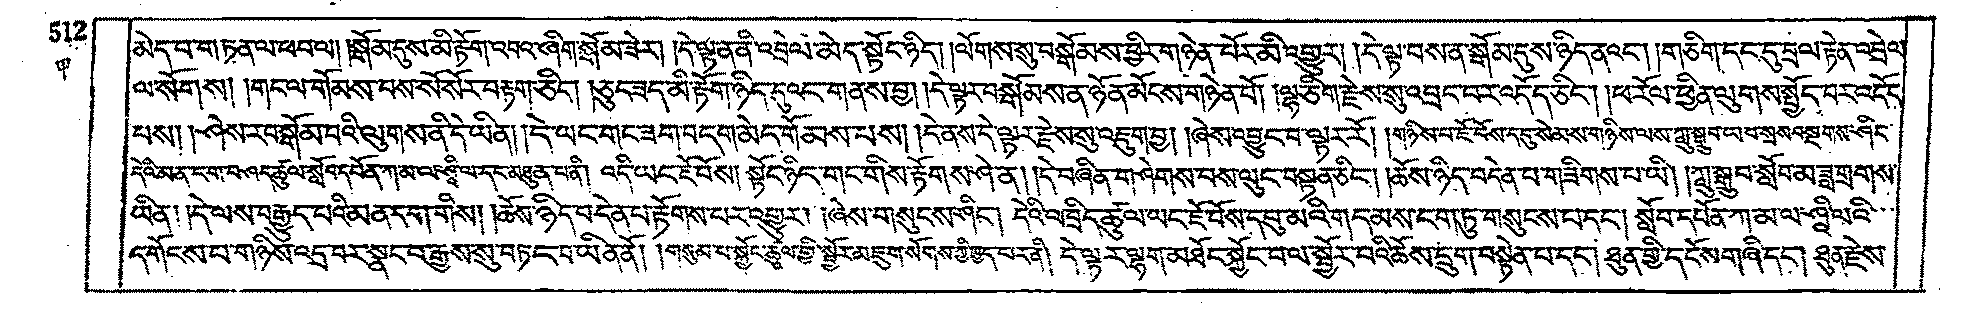མེད་པ་གཏན་ལ་ཕབ་ལ། །སྒོམ་དུས་མི་རྟོག་འབའ་ཞིག་སྒོམ་ཟེར། །དེ་ལྟ་ན་ནི་འབྲེལ་མེད་སྟོང་ཉིད། །ལོགས་སུ་བསྒོམས་ཕྱིར་གཉེན་པོར་མི་འགྱུར། །དེ་ལྟ་བས་ན་སྒོམ་དུས་ཉིད་ནའང་། །གཅིག་དང་དུ་བྲལ་རྟེན་འབྲེལ་
ལ་སོགས། །གང་ལ་གོམས་པས་སོ་སོར་བརྟག་ཅིང་། །ཅུང་ཟད་མི་རྟོག་ཉིད་དུའང་གནས་བྱ། །དེ་ལྟར་བསྒོམས་ན་ཉོན་མོངས་གཉེན་པོ། །ལྷ་ཅིག་རྗེས་སུ་འབྲང་བར་འདོད་ཅིང་། །ཕ་རོལ་ཕྱིན་ལུགས་སྤྱོད་པར་འདོད་
པས། །ཤེས་རབ་སྒོམ་པའི་ལུགས་ནི་དེ་ཡིན། །དེ་ཡང་གང་ཟག་བདག་མེད་གོམས་པས། །དེ་ནས་དེ་ལྟར་རྗེས་སུ་འཇུག་བྱ། །ཞེས་འབྱུང་བ་ལྟར་རོ། །གཉིས་པ་ཇོ་བོས་དབུ་སེམས་གཉིས་ལས་ཀླུ་སྒྲུབ་ཡབ་སྲས་བསྔགས་ཤིང་
དེའི་མན་ངག་བཤད་ཚུལ་སློབ་དཔོན་ཀ་མ་ལ་ཤཱི་ལ་དང་མཐུན་པ་ནི། འདི་ཡང་ཇོ་བོས། སྟོང་ཉིད་གང་གིས་རྟོགས་ཤེ་ན། །དེ་བཞིན་གཤེགས་པས་ལུང་བསྟན་ཅིང་། །ཆོས་ཉིད་བདེན་པ་གཟིགས་པ་ཡི། །ཀླུ་སྒྲུབ་སློབ་མ་ཟླ་གྲགས་
ཡིན། །དེ་ལས་བརྒྱུད་པའི་མན་ངག་གིས། །ཆོས་ཉིད་བདེན་པ་རྟོགས་པར་འགྱུར། །ཞེས་གསུངས་ཤིང་། དེའི་འཁྲིད་ཚུལ་ཡང་ཇོ་བོས་དབུ་མའི་གདམས་ངག་ཏུ་གསུངས་པ་དང་། སློབ་དཔོན་ཀ་མ་ལ་ཤཱི་ལའི་
དགོངས་པ་གཉིས་འདྲ་བར་སྣང་བ་རྒྱས་སུ་བཏང་བ་ཡིན་ནོ། །གསུམ་པ་སྐྱོང་ཚུལ་གྱི་སྦྱོར་མཇུག་སོགས་ཀྱི་ཁྱད་པར་ནི། དེ་ལྟར་ལྷག་མཐོང་སྐྱོང་བ་ལ་སྦྱོར་བའི་ཆོས་དྲུག་བསྟེན་པ་དང་། ཐུན་གྱི་དངོས་གཞི་དང་། ཐུན་རྗེས་